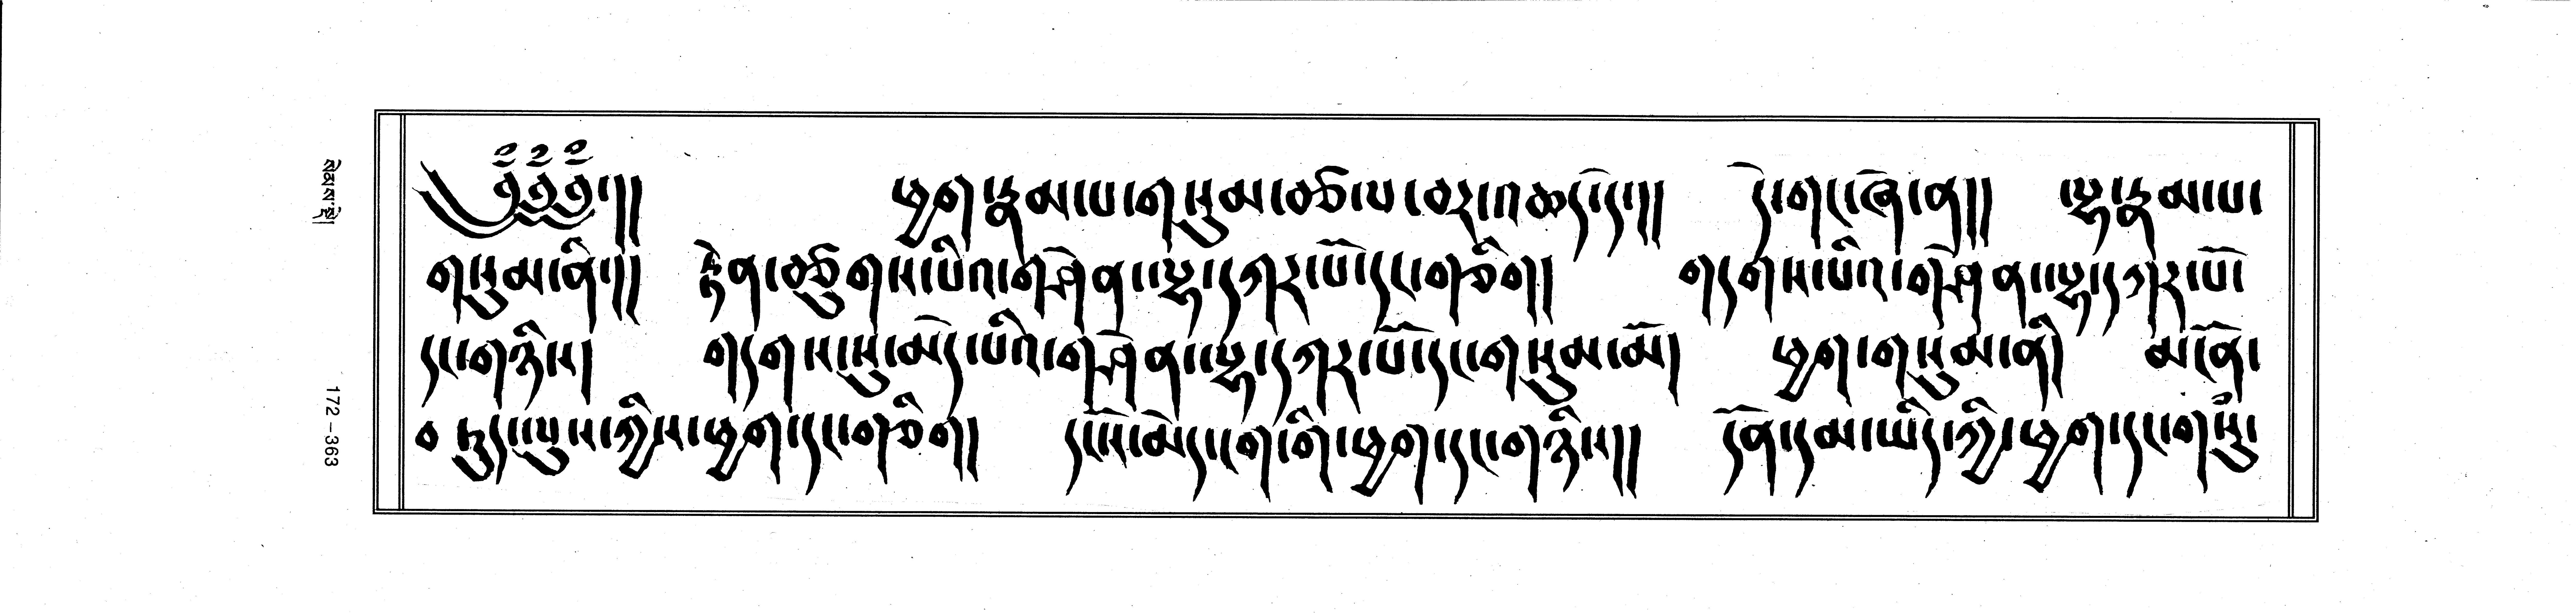ཕྱག་རྣམ་པ་གསུམ་བཙལ་བར་འཆད་དེ། དེ་གང་ཞེ་ན། ལྷ་རྣམ་པ་
གསུམ་ནི། རྟེན་བཙུགས་པའི་གཤེན་ལྷ་དཀར་པོ་དང་གཅིག གདགས་པའི་གཤེན་ལྷ་དཀར་པོ་
དང་གཉིས། གདགས་སུ་མེད་པའི་གཤེན་ལྷ་དཀར་པོ་དང་གསུམ་མོ། ཕྱག་གསུམ་ནི། མངོན་
བཏུད་ལུས་ཀྱིས་ཕྱག་དང་གཅིག དངོས་མེད་ངག་གི་ཕྱག་དང་གཉིས། དོན་དམ་ཡིད་ཀྱི་ཕྱག་དང་གསུམ་